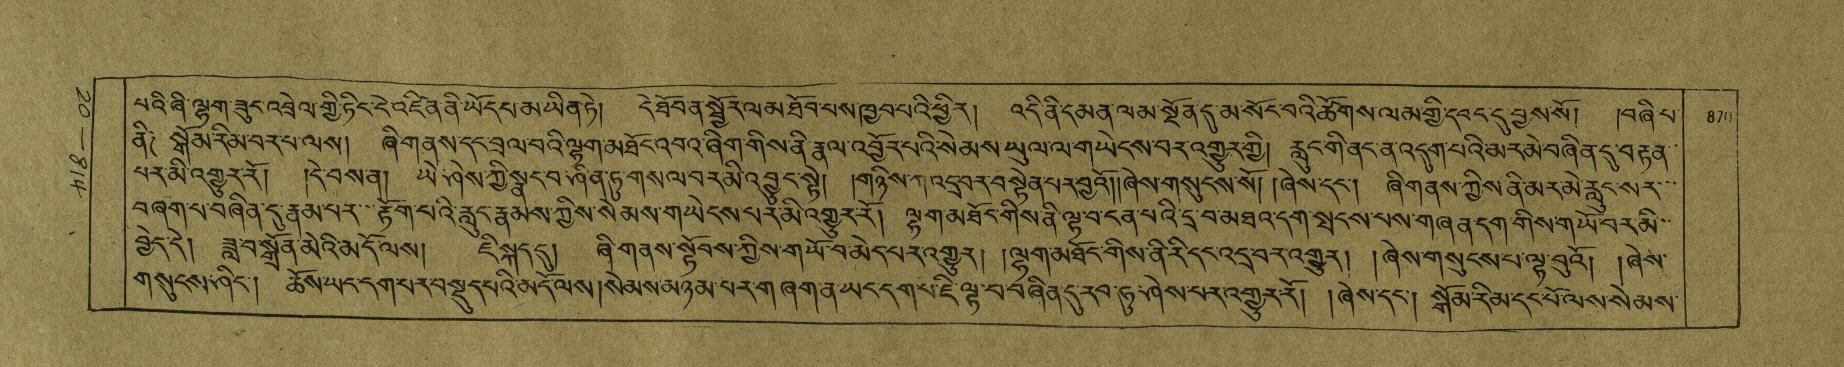པའི་ཞི་ལྷག་ཟུང་འབྲེལ་གྱི་ཏིང་ངེ་འཛིན་ནི་ཡོད་པ་མ་ཡིན་ཏེ། དེ་ཐོབ་ན་འབྱོར་ལམ་ཐོབ་པས་ཁྱབ་པའི་ཕྱིར། འདི་ནི་དམན་ལམ་སྔོན་དུ་མ་སོང་བའི་ཚོགས་ལམ་གྱི་དབང་དུ་བྱས་སོ། །བཞི་པ་
ནི༑ སྒོམ་རིམ་བར་པ་ལས། ཞི་གནས་དང་བྲལ་བའི་ལྷག་མཐོང་འབའ་ཞིག་གིས་ནི་རྣལ་འབྱོར་པའི་སེམས་ཡུལ་ལ་གཡེངས་པར་འགྱུར་གྱི། རླུང་གི་ནང་ན་འདུག་པའི་མར་མེ་བཞིན་དུ་བརྟན་
པར་མི་འགྱུར་རོ། །དེ་བས་ན། ཡེ་ཤེས་ཀྱི་སྣང་བ་ཤིན་ཏུ་གསལ་བར་མི་འབྱུང་སྟེ། །གཉིས་ཀ་འདྲ་བར་བསྟེན་པར་བྱའོ། །ཞེས་གསུངས་སོ། །ཞེས་དང་། ཞི་གནས་ཀྱིས་ནི་མར་མེ་རླུང་སར་
བཞག་པ་བཞིན་དུ་རྣམ་པར་རྟོག་པའི་རླུང་རྣམས་ཀྱིས་སེམས་གཡེངས་པར་མི་འགྱུར་རོ། ལྷག་མཐོང་གིས་ནི་ལྟ་བ་ངན་པའི་དྲ་བ་མཐའ་དག་སྤངས་པས་གཞན་དག་གིས་གཡོ་བར་མི་
བྱེད་དེ། ཟླ་བ་སྒྲོན་མེའི་མདོ་ལས། ཇི་སྐད་དུ། ཞི་གནས་སྟོབས་ཀྱིས་གཡོ་བ་མེད་པར་འགྱུར། ལྷག་མཐོང་གིས་ནི་རི་དང་འདྲ་བར་འགྱུར། །ཞེས་གསུངས་པ་ལྟ་བུའོ། །ཞེས་
གསུངས་ཤིང་། ཆོས་ཡང་དག་པར་བསྡུས་པའི་མདོ་ལས། སེམས་མཉམ་པར་གཞག་ན་ཡང་དག་པ་ཇི་ལྟ་བ་བཞིན་དུ་རབ་ཏུ་ཤེས་པར་འགྱུར་རོ། །ཞེས་དང་། སྒོམ་རིམ་དང་པོ་ལས་སེམས་